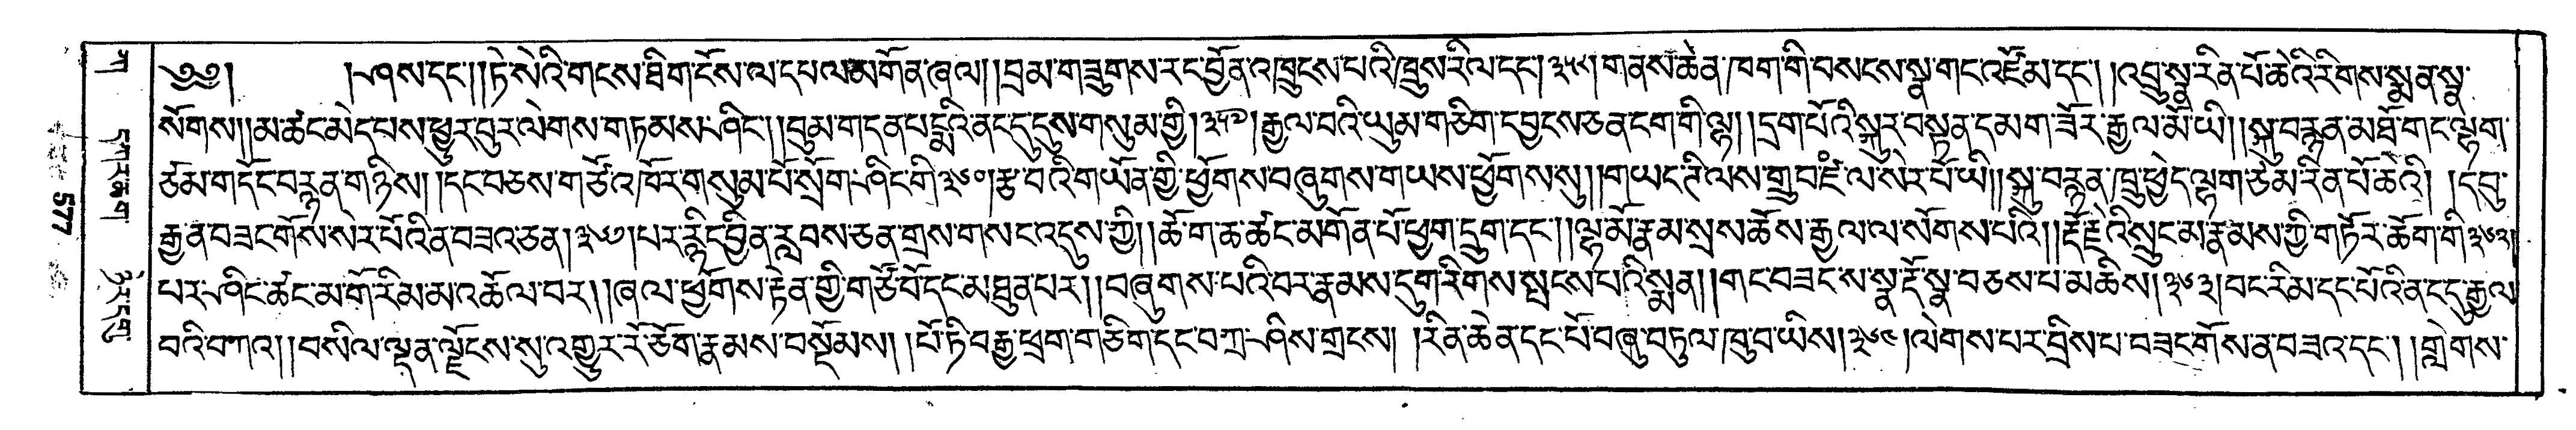༄༅། །ཤས་དང་། །ཏེ་སེའི་གངས་ཐིག་ངོས་ལ་དཔལ་མགོན་ཞལ། །བྲམ་གཟུགས་རང་བྱོན་འཁྲུངས་པའི་ཁྲུས་རིལ་དང་། ༣༥༨་།གནས་ཆེན་ཁག་གི་བསངས་སྣ་གང་འཛོམ་དང་། །འབྲུ་སྣ་རིན་པོ་ཆེའི་རིགས་སྨན་སྣ་
སོགས། །མ་ཚང་མེད་པས་ཕྱུར་བུར་ལེགས་གཏམས་ཤིང་། །བུམ་གདན་པདམའི་ནང་དུ་དུས་གསུམ་གྱི། ༣༥༧་།རྒྱལ་བའི་ཡུམ་གཅིག་དབྱངས་ཅན་ངག་གི་ལྷ། །དྲག་པོའི་སྐུར་བསྟན་དམག་ཟོར་རྒྱལ་མོ་ཡི། །སྐུ་བརྙན་མཐོ་གང་ལྷག་
ཙམ་གདོང་བརྙན་གཉིས། །དང་བཅས་གཙོ་འཁོར་གསུམ་པོ་སྲོག་ཤིང་གི ༣༦༠་།རྩ་བའི་གཡོན་གྱི་ཕྱོགས་བཞུགས་གཡས་ཕྱོགས་སུ། །གཡང་ཊི་ལས་གྲུབ་ཛཾ་ལ་སེར་པོ་ཡི། །སྐུ་བརྙན་ཁྲུ་ཕྱེད་ལྷག་ཅི་མ་རིན་པོ་ཆེའི། །དབུ་
རྒྱན་བཟང་གོས་སེར་པོའི་ན་བཟའ་ཅན། ༣༦༡་།པར་རྙིང་བྱིན་རླབས་ཅན་གྲས་གསང་འདུས་ཀྱི། །ཆོ་ག་ཆ་ཚང་མགོན་པོ་ཕྱག་དྲུག་དང་། །ལྷ་མོ་རྣམ་སྲས་ཆོས་རྒྱལ་ལ་སོགས་པའི། །རྡོ་རྗེའི་སྲུང་མ་རྣམས་ཀྱི་གཏོར་ཆོག་གི ༣༦༢།
པར་ཤིང་ཚང་མགོ་རིམ་མ་འཆོལ་བར། །ཞལ་ཕྱོགས་རྟེན་གྱི་གཙོ་བོ་དང་མཐུན་པར། །བཞུགས་པའི་བར་རྣམས་དུག་རིགས་སྤངས་པའི་སྨན། །གང་བཟངས་སྣ་རྡོ་སྣ་བཅས་པ་མཆིས། ༣༦༣་།བད་རིམ་དང་པོའི་ནང་དུ་རྒྱལ་
བའི་བཀའ། །བསིལ་ལྡན་ལྗོངས་སུ་འགྱུར་རོ་ཅོག་རྣམས་བསྡོམས། །པོ་ཏི་བརྒྱ་ཕྲག་གཅིག་དང་བཀྲ་ཤིས་གྲངས། །རིན་ཆེན་དང་པོ་བཞུ་བཏུལ་ཁུ་བ་ཡིས། ༣༦༤་།ལེགས་པར་བྲིས་པ་བཟང་གོས་ན་བཟའ་དང་། །གླེགས་